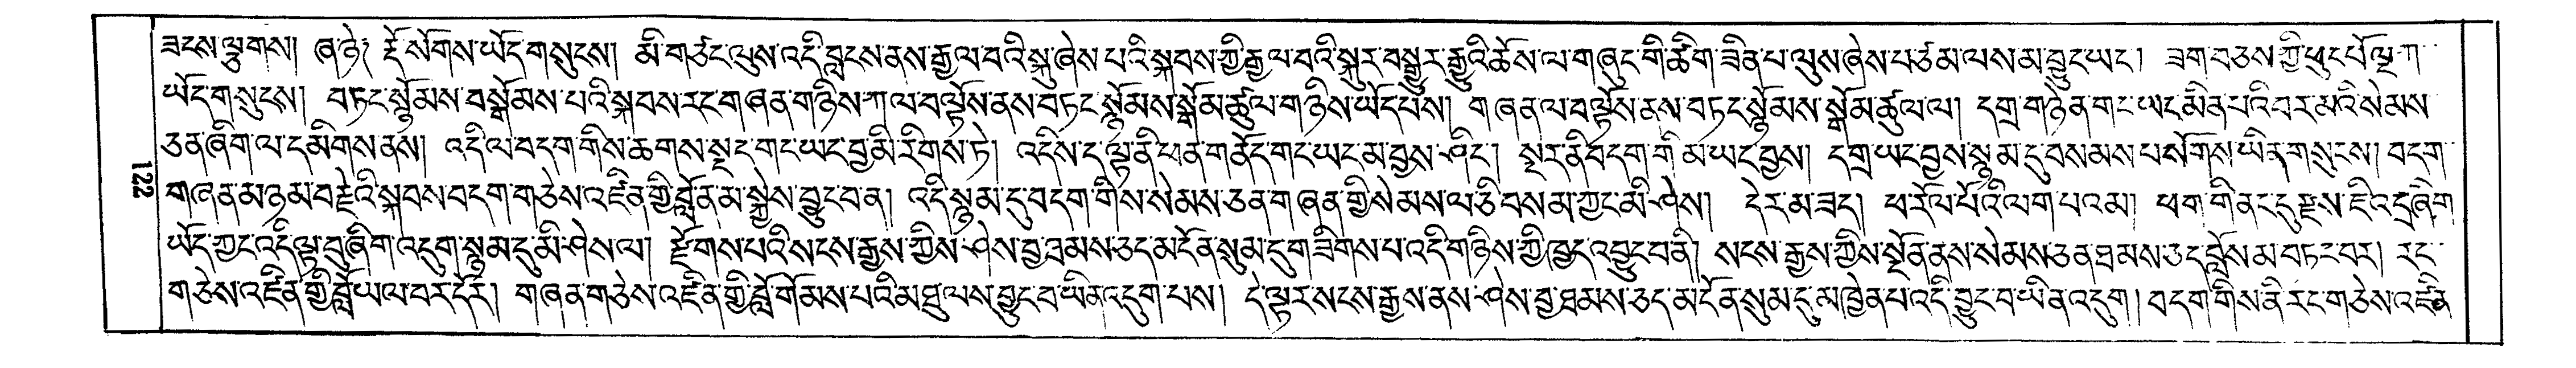ཟངས་ལྕགས། ཞ་ཉེ། རྡོ་སོགས་ཡོད་གསུངས། མི་གཙང་ལུས་འདི་བླངས་ནས་རྒྱལ་བའི་སྐུ་ཞེས་པའི་སྐབས་ཀྱི་རྒྱལ་བའི་སྐུར་བསྒྱུར་རྒྱུའི་ཆོས་ལ་གཞུང་གི་ཚིག་ཟིན་པ་ལུས་ཞེས་པ་ཙམ་ལས་མ་བྱུང་ཡང་། ཟག་བཅས་ཀྱི་ཕུང་པོ་ལྔ་ཀ་
ཡོད་གསུངས། བཏང་སྙོམས་བསྒོམས་པའི་སྐབས་རང་གཞན་གཉིས་ཀ་ལ་བལྟོས་ནས་བཏང་སྙོམས་སྒོམ་ཚུལ་གཉིས་ཡོད་པས། གཞན་ལ་བལྟོས་ནས་བཏང་སྙོམས་སྒོམ་ཚུལ་ལ། དགྲ་གཉེན་གང་ཡང་མིན་པའི་བར་མའི་སེམས་
ཅན་ཞིག་ལ་དམིགས་ནས། འདི་ལ་བདག་གིས་ཆགས་སྡང་གང་ཡང་བྱ་མི་རིགས་ཏེ། འདིས་ད་ལྟ་ནི་ཕན་གནོད་གང་ཡང་མ་བྱས་ཤིང་། སྔར་ནི་བདག་གི་མ་ཡང་བྱས། དགྲ་ཡང་བྱས་སྙམ་དུ་བསམས་པ་སོགས་ཡིན་གསུངས། བདག་
གཞན་མཉམ་བརྗེའི་སྐབས་བདག་གཅེས་འཛིན་གྱི་བློ་ནམ་སྐྱེས་བྱུང་བ་ན། འདི་སྙམ་དུ་བདག་གིས་སེམས་ཅན་གཞན་གྱི་སེམས་ལ་ཅི་བསམ་ཀྱང་མི་ཤེས། དེར་མ་ཟད། ཕ་རོལ་པོའི་ལག་པའམ། ཕག་གི་ནང་དུ་རྫས་ཇི་འདྲ་ཞིག་
ཡོད་ཀྱང་འདི་ལྟ་བུ་ཞིག་འདུག་སྙམ་དུ་མི་ཤེས་ལ། རྫོགས་པའི་སངས་རྒྱས་ཀྱིས་ཤེས་བྱ་ཐམས་ཅད་མངོན་སུམ་དུ་གཟིགས་པ་འདི་གཉིས་ཀྱི་ཁྱད་འབྱུང་བ་ནི། སངས་རྒྱས་ཀྱིས་སྔོན་ནས་སེམས་ཅན་ཐམས་ཅད་བློས་མ་བཏང་བར། རང་
གཅེས་འཛིན་གྱི་བློ་ཡལ་བར་དོར། གཞན་གཅེས་འཛིན་གྱི་བློ་གོམས་པའི་མཐུ་ལས་བྱུང་བ་ཡིན་འདུག་པས། དེ་ལྟར་སངས་རྒྱས་ནས་ཤེས་བྱ་ཐམས་ཅད་མངོན་སུམ་དུ་མཁྱེན་པ་འདི་བྱུང་བ་ཡིན་འདུག །བདག་གིས་ནི་རང་གཅེས་འཛིན་